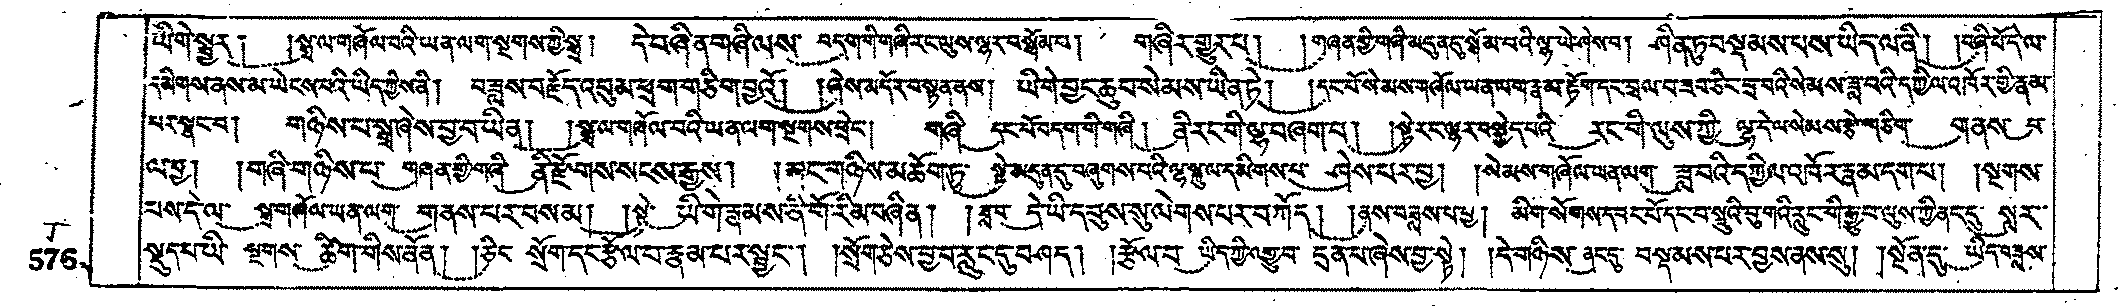ཡི་གེ་སྦྱར། །སྒྲ་ལ་གཞོལ་བའི་ཡན་ལག་སྔགས་ཀྱི་སྒྲ།  དེ་བཞིན་གཞི་ལས་བདག་གི་གཞི་རང་ལུས་ལྷར་བསྒོམ་པ།  གཞིར་གྱུར་པ། །གཞན་གྱི་གཞི་མདུན་དུ་སྒོམ་པའི་ལྷ་ཡེ་ཤེས་པ།  ཤིན་ཏུ་བསྡམས་པས་ཡིད་ལ་ནི། །བཞི་པོ་དེ་ལ་
དམིགས་ནས་མ་ཡེངས་པའི་ཡིད་ཀྱིས་ནི། བཟླས་བརྗོད་འབུམ་ཕྲག་གཅིག་བྱའོ། །ཞེས་མདོར་བསྟན་ནས།  ཡི་གེ་བྱང་ཆུབ་སེམས་ཡིན་ཏེ། །དང་པོ་སེམས་གཞོལ་ཡན་ལག་རྣམ་རྟོག་དང་བྲལ་པ་ཟབ་ཅིང་ཕྲ་བའི་སེམས་ཟླ་བའི་དཀྱིལ་འཁོར་གྱི་རྣམ་
པར་སྣང་བ། གཉིས་པ་སྒྲ་ཞེས་བྱ་བ་ཡིན། །སྒྲ་ལ་གཞོལ་བའི་ཡན་ལག་སྔགས་ཕྲེང་།  གཞི་དང་པོ་བདག་གི་གཞི།  ནི་རང་གི་ལྷ་བཞག་པ། །སྟེ་རང་ལྷར་བསྐྱེད་པའི་རང་གི་ལུས་ཀྱི་ལྷ་དེ་ལ་སེམས་རྩེ་གཅིག་གནས་པ་
ལ་བྱ། །གཞི་གཉིས་པ་གཞན་གྱི་གཞི་ནི་རྫོགས་སངས་རྒྱས། །རྐང་གཉིས་མཆོག་ཏུ་སྟེ་མདུན་དུ་བཞུགས་པའི་ལྷ་སྐུ་ལ་དམིགས་པ་ཤེས་པར་བྱ། །སེམས་གཞོལ་ཡན་ལག་ཟླ་བའི་དཀྱིལ་འཁོར་རྣམ་དག་པ། །སྔགས་
པས་དེ་ལ་སྒྲ་གཞོལ་ཡན་ལག་གནས་པར་བསམ། །སྟེ་ཡི་གེ་རྣམས་ནི་གོ་རིམ་བཞིན། །ཟླ་བ་དེ་ཡི་དབུས་སུ་ལེགས་པར་བཀོད། །ནས་བཟླས་པ་བྱ། མིག་སོགས་དབང་པོ་དང་བ་སྦུའི་བུ་གའི་རླུང་གི་རྒྱུ་བ་ལུས་ཀྱི་ནང་དུ་སླར་
སྡུད་པ་ཡི་སྔགས་ཚིག་གིས་ནོན། །ཅིང་སྲོག་དང་རྩོལ་བ་རྣམས་པར་སྦྱང་། །སྲོག་ཅེས་བྱ་བ་རླུང་དུ་བཤད། །རྩོལ་བ་ཡིད་ཀྱི་འགྱུར་བ་དྲན་པ་ཞེས་བྱ་སྟེ། །དེ་གཉིས་ནང་དུ་བསྡམས་པར་བྱས་ནས་སུ། །སྔོན་དུ་ཡིད་བཟླས